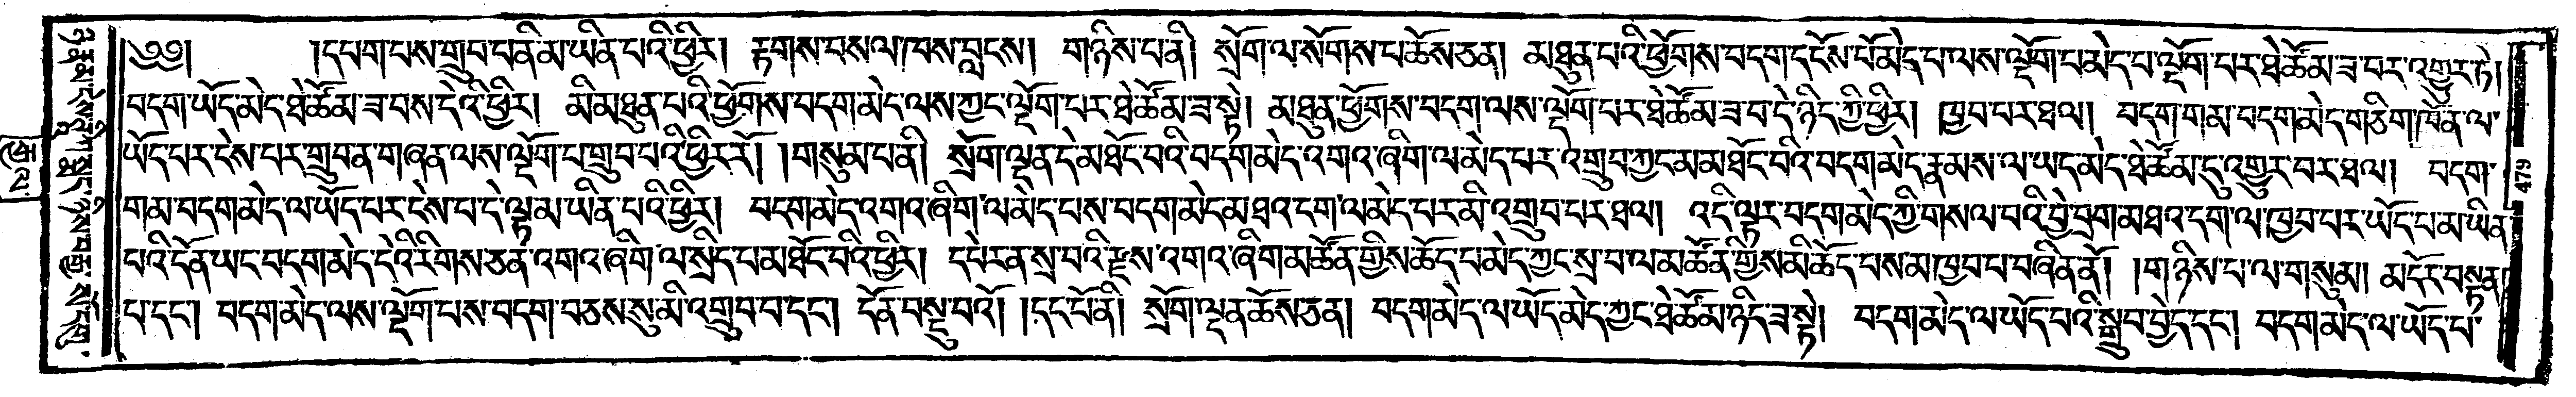༄༅། །དཔག་པས་གྲུབ་པ་ནི་མ་ཡིན་པའི་ཕྱིར། རྟགས་བསལ་ཁས་བླངས། གཉིས་པ་ནི། སྲོག་ལ་སོགས་པ་ཆོས་ཅན། མཐུན་པའི་ཕྱོགས་བདག་དངོས་པོ་མེད་པ་ལས་ལྡོག་པ་མེད་པ་ལྡོག་པར་ཐེ་ཚོམ་ཟ་བར་འགྱུར་ཏེ།
བདག་ཡོད་མེད་ཐེ་ཚོམ་ཟ་བས་དེའི་ཕྱིར། མི་མཐུན་པའི་ཕྱོགས་བདག་མེད་ལས་ཀྱང་ལྡོག་པར་ཐེ་ཚོམ་ཟ་སྟེ། མཐུན་ཕྱོགས་བདག་ལས་ལྡོག་པར་ཐེ་ཚོམ་ཟ་བ་དེ་ཉིད་ཀྱི་ཕྱིར། ཁྱབ་པར་ཐལ། བདག་གམ་བདག་མེད་གཅིག་ཁོ་ན་ལ་
ཡོད་པར་ངེས་པར་གྲུབ་ན་གཞན་ལས་ལྡོག་པ་གྲུབ་པའི་ཕྱིར་རོ། །གསུམ་པ་ནི། སྲོག་ལྡན་དེ་མཐོང་བའི་བདག་མེད་འགའ་ཞིག་ལ་མེད་པར་འགྲུབ་ཀྱང་མ་མཐོང་བའི་བདག་མེད་རྣམས་ལ་ཡད་མེད་ཐེ་ཚོམ་དུ་འགྱུར་བར་ཐལ། བདག་
གམ་བདག་མེད་ལ་ཡོད་པར་ངེས་པ་དེ་ལྟ་མ་ཡིན་པའི་ཕྱིར། བདག་མེད་འགའ་ཞིག་ལ་མེད་པས་བདག་མེད་མཐའ་དག་ལ་མེད་པར་མི་འགྲུབ་པར་ཐལ། འདི་ལྟར་བདག་མེད་ཀྱི་གསལ་བའི་བྱེ་བྲག་མཐའ་དག་ལ་ཁྱབ་པར་ཡོད་པ་མ་ཡིན་
པའི་དོན་ཡང་བདག་མེད་དེའི་རིགས་ཅན་འགའ་ཞིག་ལ་སྲིད་པ་མཐོང་བའི་ཕྱིར། དཔེར་ན་སྲ་བའི་རྫས་འགའ་ཞིག་མཚོན་གྱིས་ཆོད་པ་མེད་ཀྱང་སྲ་བ་ལ་མཚོན་གྱིས་མི་ཆོད་པས་མ་ཁྱབ་པ་བཞིན་ནོ། །གཉིས་པ་ལ་གསུམ། མདོར་བསྟན་
པ་དང་། བདག་མེད་ལས་ལྡོག་པས་བདག་བཅས་སུ་མི་འགྲུབ་པ་དང་། དོན་བསྡུ་བའོ། །དང་པོ་ནི། སྲོག་ལྡན་ཆོས་ཅན། བདག་མེད་ལ་ཡོད་མེད་ཀྱང་ཐེ་ཚོམ་ཉིད་ཟ་སྟེ། བདག་མེད་ལ་ཡོད་པའི་སྒྲུབ་བྱེད་དང་། བདག་མེད་ལ་ཡོད་པ་